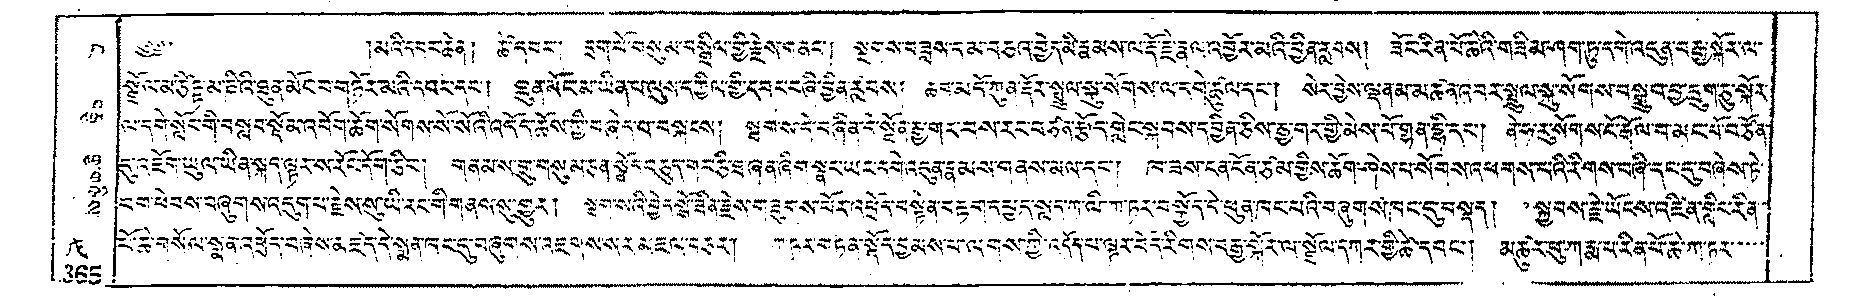༄༅། །མའི་དབང་ཆེན། ཚེ་དབང་། དྲག་པོ་གསུམ་བསྒྲིལ་གྱི་རྗེས་གནང་། སྔགས་བཟླས་དམ་བཅའ་བྱེད་མི་རྣམས་ལ་རྡོ་རྗེ་རྣལ་འབྱོར་མའི་བྱིན་རླབས། ཟོང་རིན་པོ་ཆེའི་གཟིམ་ཤག་ཏུ་དགེ་འདུན་བརྒྱ་སྐོར་ལ་
སྒྲོལ་མ་ཙིཏྟ་མ་ཎིའི་ཐུན་མོང་བ་གཏོར་མའི་དབང་དང་། ཐུན་མོང་མ་ཡིན་པ་ལུས་དཀྱིལ་གྱི་དབང་བཞི་བྱིན་རླབས། ཆབ་མདོ་ཀུན་རྡོར་སྤྲུལ་སྐུ་སོགས་ལ་དགེ་ཚུལ་དང་། སེར་བྱེས་ལྡན་མ་མཚན་འབར་སྤྲུལ་སྐུ་སོགས་བསྒྲུབ་བྱ་དྲུག་ཅུ་སྐོར་
ལ་དགེ་སློང་གི་བསླབ་སྡོམ་འབོག་ཆོག་སོགས་སོ་སོའི་འདོད་ཆོས་ཀྱི་བཞེད་པ་བསྐངས། སྦག་ས་དེ་བཞིན་དེ་སྔོན་རྒྱ་གར་བས་རང་བཙན་རྩོད་གླེང་སྐབས་དབྱིན་ཅིས་རྒྱ་གར་གྱི་མེས་པོ་གྷན་དྷི་དང་། ནེ་ཧ་རུ་སོགས་ངོ་རྒོལ་བ་མང་པོ་བཙོན་
དུ་འཇོག་ཡུལ་ཡིན་སྐད་ལྟར་ས་རོང་དོག་ཅིང་། གནམ་ས་གྲུ་གསུམ་ཅན་སྣོད་བཅུད་གང་ཅི་ཐ་ཞན་ཞིག་སྣང་ཡང་དགེ་འདུན་རྣམས་གནས་མལ་དང་། ཁ་ཟས་ངན་ངོན་ཙམ་གྱིས་ཆོག་ཤེས་པ་སོགས་འཕགས་པའི་རིགས་བཞི་དང་དུ་བཞེས་ཏེ་
བག་ཕེབས་བཞུགས་འདུག་པ་རྗེས་སུ་ཡི་རང་གི་གནས་སུ་གྱུར། སྦག་སའི་བྱེད་སྒོ་ཟིན་རྗེས་གཟུགས་པོར་འཕྲོད་བསྟེན་བརྟག་དཔྱད་སླད་ཀ་ལི་ཀ་ཏར་བསྐྱོད་དེ་ཕུན་ཁང་པའི་བཞུགས་ཁང་དུ་བསྡད། ༧སྐྱབས་རྗེ་ཡོངས་འཛིན་གླིང་རིན་
པོ་ཆེ་གསོལ་སྨན་འཕྲོད་བཞེས་མཛད་དེ་སྨན་ཁང་དུ་བཞུགས་འཇགས་སར་མཇལ་བཅར། ཀ་ཏར་གཏན་སྡོད་བྱམས་པ་ལགས་ཀྱི་འདོད་པ་ལྟར་བོད་རིགས་བརྒྱ་སྐོར་ལ་སྒྲོལ་དཀར་གྱི་ཚེ་དབང་། མཚུར་ཕུ་ཀརྨ་པ་རིན་པོ་ཆེ་ཀ་ཏར་